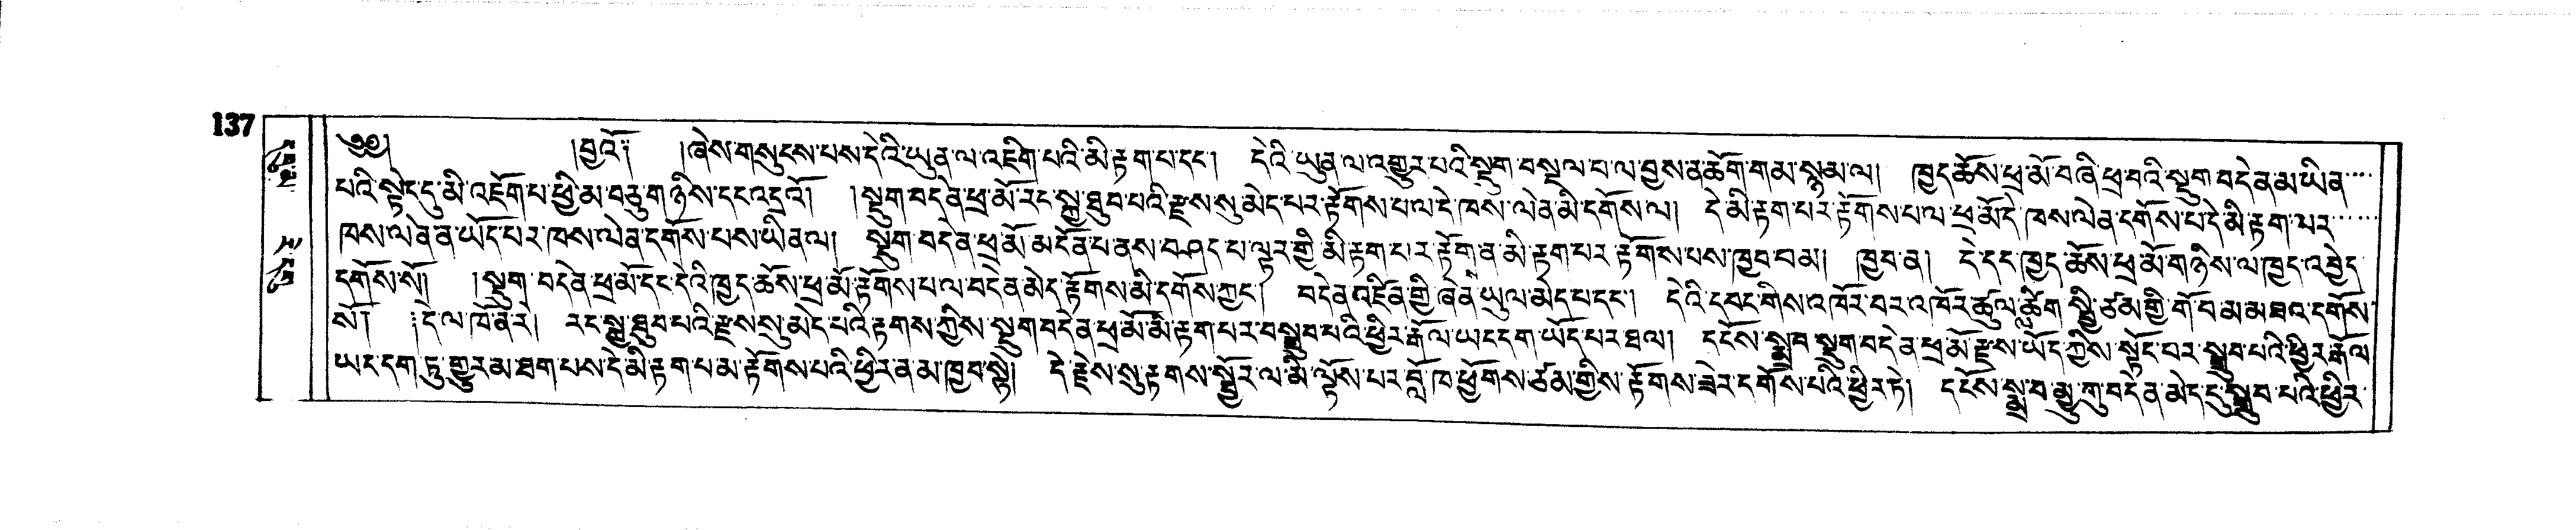༄༅། །བྱའོ། །ཞེས་གསུངས་པས་དེའི་ཡུན་ལ་འཇིག་པའི་མི་རྟག་པ་དང་། དེའི་ཡུན་ལ་འགྱུར་པའི་སྡུག་བསྔལ་བ་ལ་བྱས་ན་ཆོག་གམ་སྙམ་ལ། ཁྱད་ཆོས་ཕྲ་མོ་བཞི་ཕྲ་བའི་སྡུག་བདེན་མ་ཡིན་
པའི་སྟེང་དུ་མི་འཇོག་པ་ཕྱི་མ་བཅུ་གཉིས་དང་འདྲའོ། །སྡུག་བདེན་ཕྲ་མོ་རང་སྐྱ་ཐུབ་པའི་རྫས་སུ་མེད་པར་རྟོགས་པ་ལ་དེ་ཁས་ལེན་མི་དགོས་ལ། དེ་མི་རྟག་པར་རྟོགས་པ་ལ་ཕྲ་མོ་དེ་ཁས་ལེན་དགོས་པ་དེ་མི་རྟག་པར་
ཁས་ལེན་ན་ཡོད་པར་ཁས་ལེན་དགོས་པས་ཡིན་ལ། སྡུག་བདེན་ཕྲ་མོ་མངོན་པ་ནས་བཤད་པ་ལྟར་གྱི་མི་རྟག་པར་རྟོགས་ན་མི་རྟག་པར་རྟོགས་པས་ཁྱབ་བ་མ། ཁྱབ་ན། དེ་དང་ཁྱད་ཆོས་ཕྲ་མོ་གཉིས་ལ་ཁྱད་འབྱེད་
དགོས་སོ། །སྡུག་བདེན་ཕྲ་མོ་དང་དེའི་ཁྱད་ཆོས་ཕྲ་མོ་རྟོགས་པ་ལ་བདེན་མེད་རྟོགས་མི་དགོས་ཀྱང་། བདེན་འཛིན་གྱི་ཞེན་ཡུལ་མེད་པ་དང་། དེའི་དབང་གིས་འཁོར་བར་འཁོར་ཚུལ་ལ་ཚིག་སྤྱི་ཙམ་གྱི་གོ་བ་མ་མཐའ་དགོས་
སོ། །དེ་ལ་ཁོ་ན་རེ། རང་སྐྱ་ཐུབ་པའི་རྫས་སུ་མེད་པའི་རྟགས་ཀྱིས་སྡུག་བདེན་ཕྲ་མོ་མི་རྟག་པར་བསྒྲུབ་པའི་ཕྱིར་རྒོལ་ཡང་དག་ཡོད་པར་ཐལ། དངོས་སྨྲ་བ་སྡུག་བདེན་ཕྲ་མོ་རྫས་ཡོད་ཀྱིས་སྟོང་བར་སྒྲུབ་པའི་ཕྱིར་རྒོལ་
ཡང་དག་ཏུ་གྱུར་མ་ཐག་པས་དེ་མི་རྟག་པ་མ་རྟོགས་པའི་ཕྱིར་ན་མ་ཁྱབ་སྟེ། དེ་རྗེས་སུ་རྟགས་སྦྱོར་ལ་མི་ལྟོས་པར་བློ་ཁ་ཕྱོགས་ཙམ་གྱིས་རྟོགས་ཟེར་དགོས་པའི་ཕྱིར་ཏེ། དངོས་སྨྲ་བ་མྱུ་གུ་བདེན་མེད་དུ་སྒྲུབ་པའི་ཕྱིར་